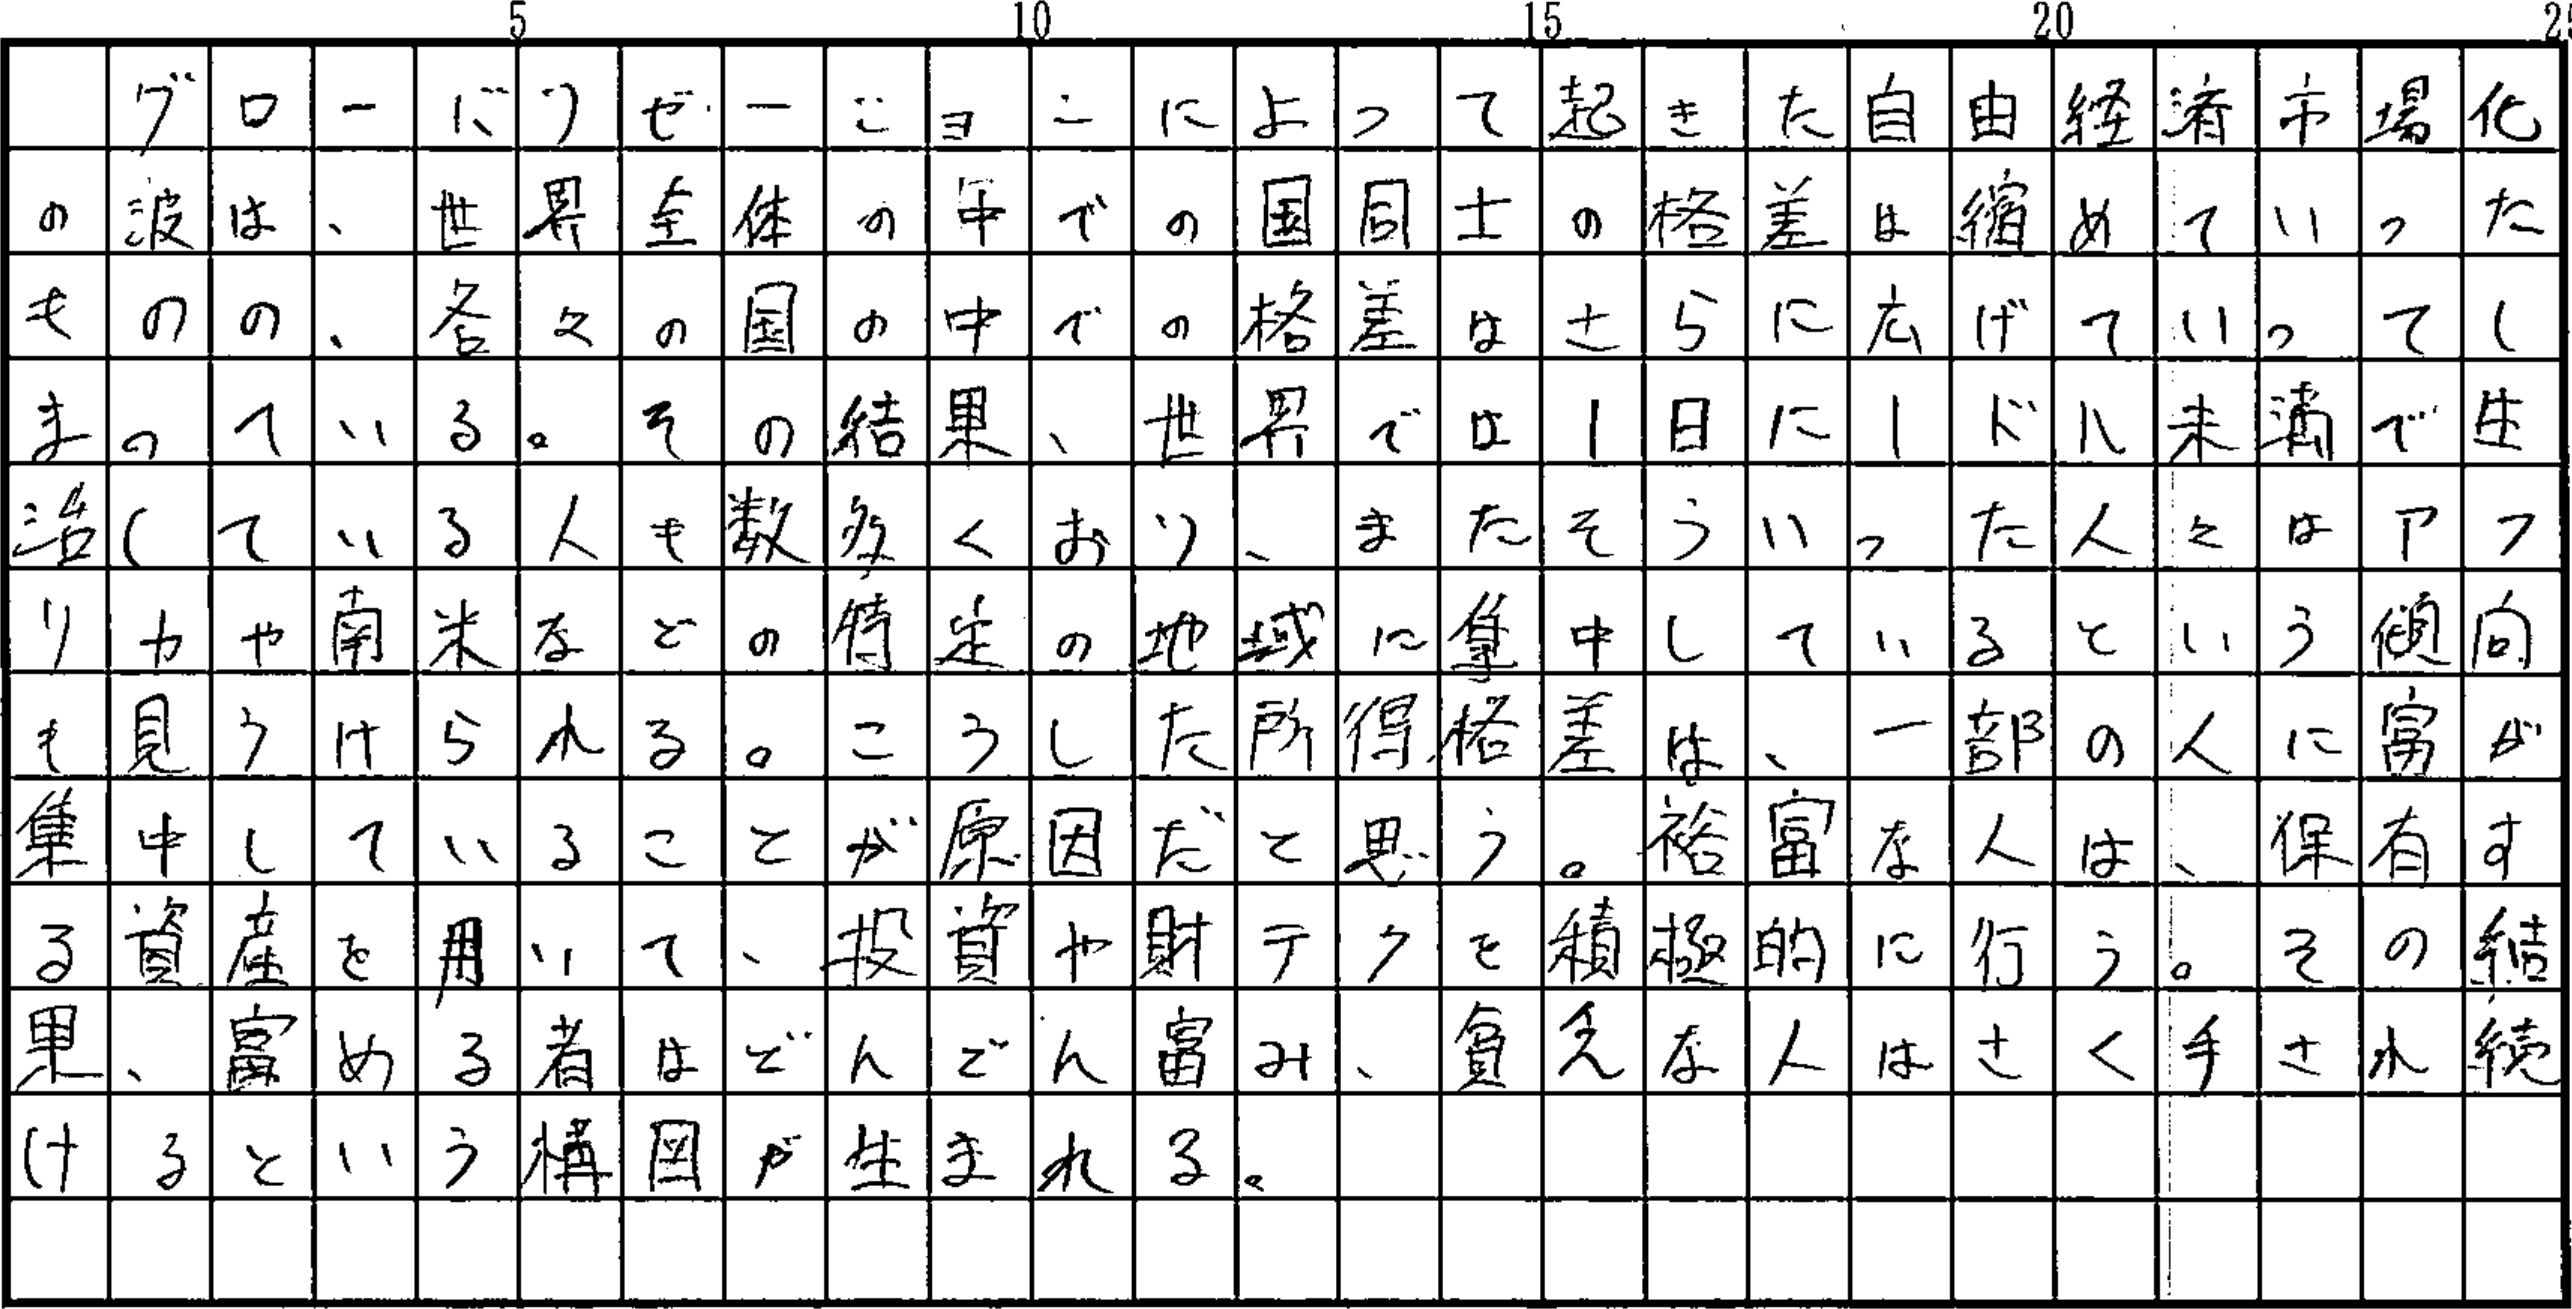　グローバリゼーションによって起きた自由経済市場化の波は、世界全体の中での国同士の格差は縮めていったものの、各々の国の中での格差はさらに広げていってしまっている。その結果、世界では１日に１ドル未満で生活している人も数多くおり、またそういった人々はアフリカや南米などの特定の地域に集中しているという傾向も見うけられる。こうした所得格差は、一部の人に富が集中していることが原因だと思う。裕富な人は、保有する資産を用いて、投資や財テクを積極的に行う。その結果、富める者はどんどん富み、貧乏な人はさく手され続けるという構図が生まれる。
